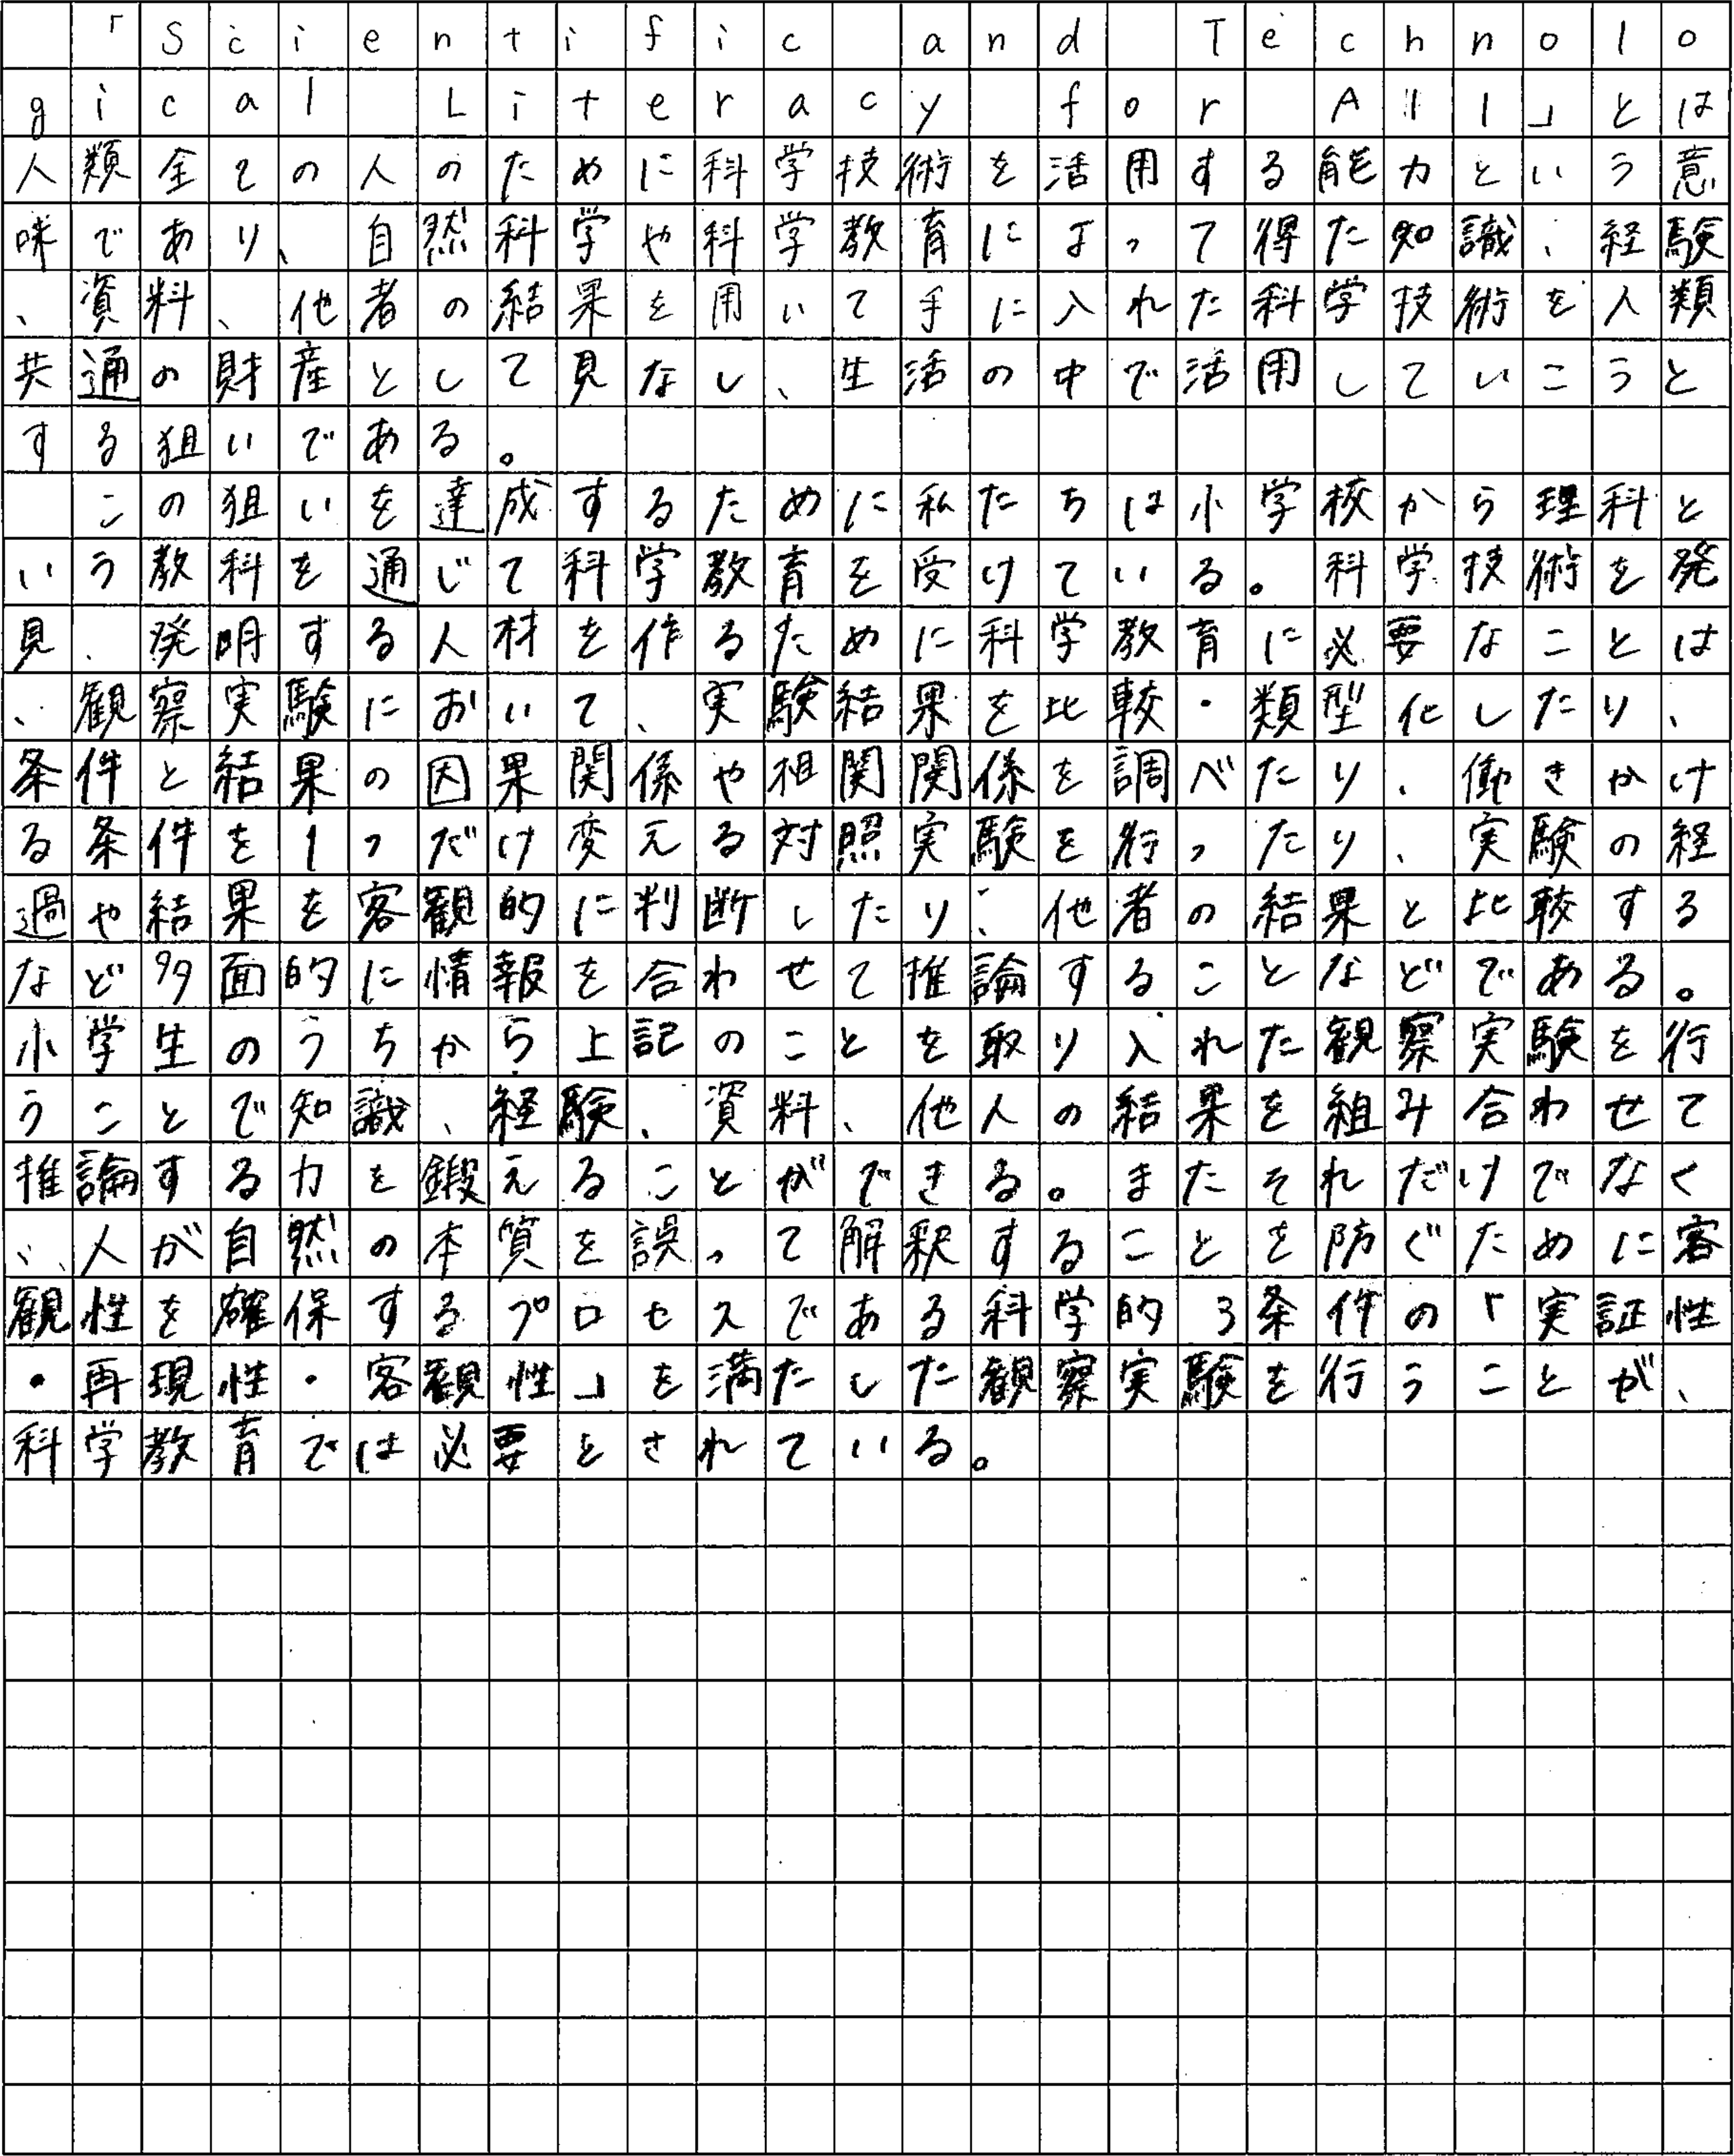　「Ｓｃｉｅｎｔｉｆｉｃ　ａｎｄ　Ｔｅｃｈｎｏｌｏｇｉｃａｌ　Ｌｉｔｅｒａｃｙ　ｆｏｒ　Ａｌｌ」とは人類全ての人のために科学技術を活用する能力という意味であり、自然科学や科学教育によって得た知識、経験、資料、他者の結果を用いて手に入れた科学技術を人類共通の財産として見なし、生活の中で活用していこうとする狙いである。
　この狙いを達成するために私たちは小学校から理科という教科を通じて科学教育を受けている。科学技術を発見、発明する人材を作るために科学教育に必要なことは、観察実験において、実験結果を比較・類型化したり、条件と結果の因果関係や相関関係を調べたり、働きかける条件を１つだけ変える対照実験を行ったり、実験の経過や結果を客観的に判断したり、他者の結果と比較するなど多面的に情報を合わせて推論することなどである。小学生のうちから上記のことを取り入れた観察実験を行うことで知識、経験、資料、他人の結果を組み合わせて推論する力を鍛えることができる。またそれだけでなく、人が自然の本質を誤って解釈することを防ぐために客観性を確保するプロセスである科学的３条件の「実証性・再現性・客観性」を満たした観察実験を行うことが、科学教育では必要とされている。
